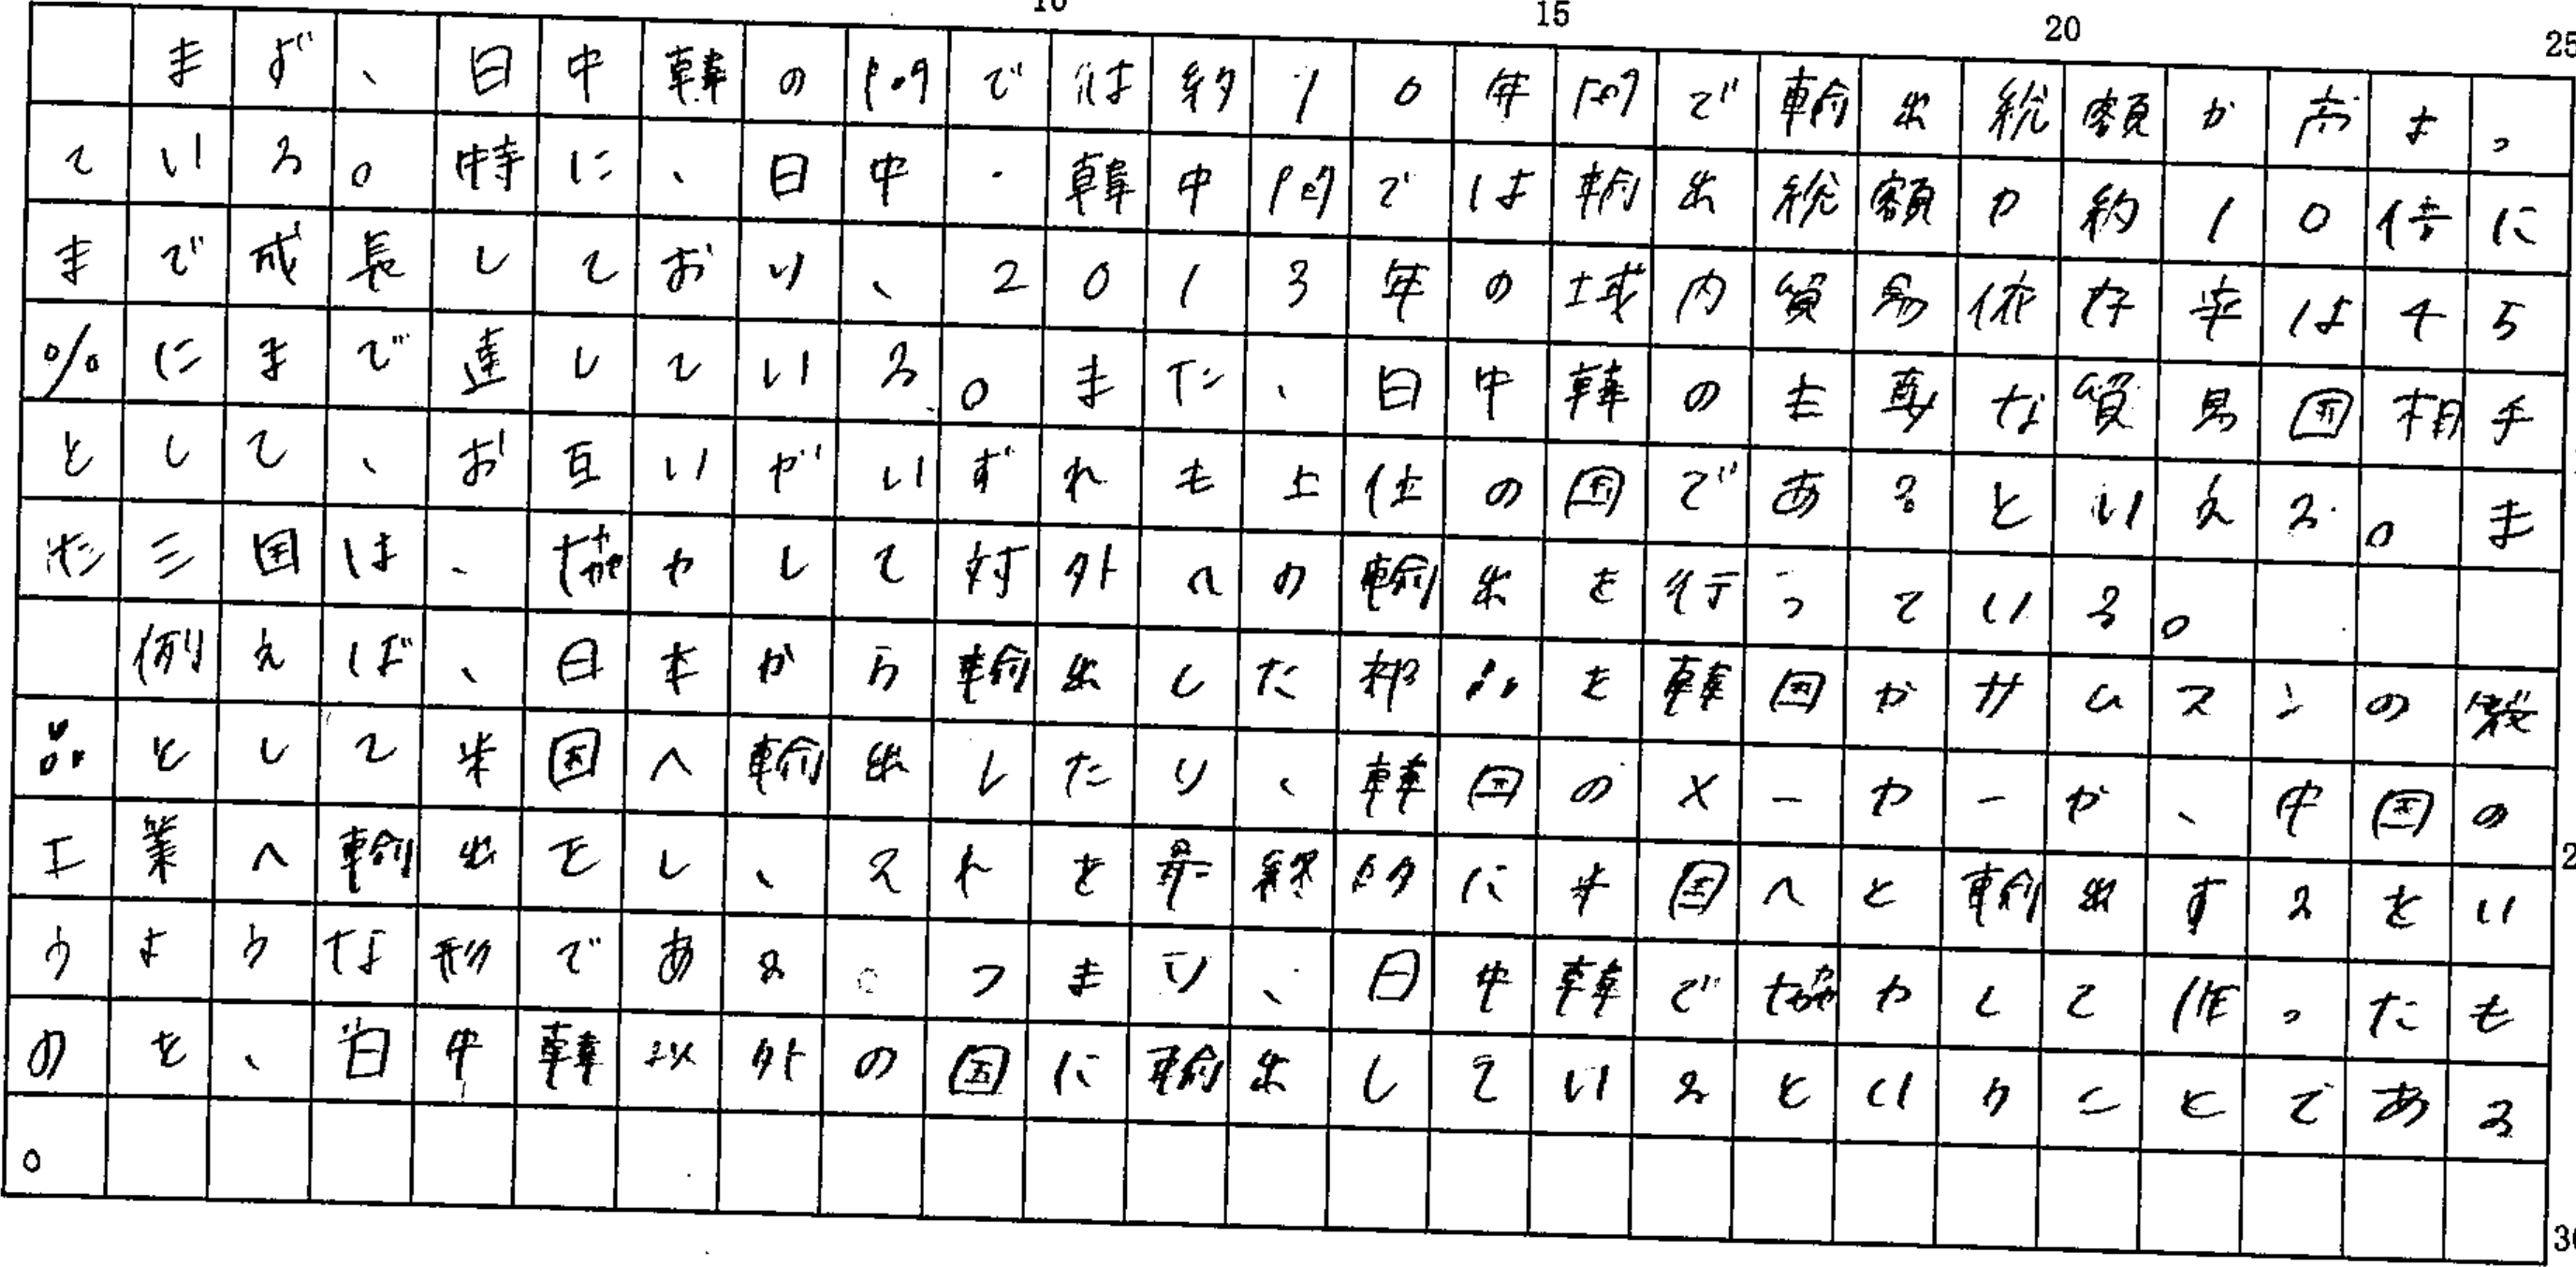　まず、日中韓の間では約１０年間で輸出▁額が高まっている。特に、日中・韓中間では輸出▁額▁約１０倍にまで成長しており、２０１３年の域内貿易依存率は４５％にまで達している。また、日中韓の主要な貿易国相手として、お互いがいずれも上位の国であるといえる。また三国は、協力して対外への輸出を行っている。
　例えば、日本から輸出した部品を韓国がサムスンの製品として米国へ輸出したり、韓国のメーカーが、中国の工業へ輸出をし、それを最終的に米国へと輸出するをいうような形である。つまり、日中韓で協力して作ったものを、日中韓以外の国に輸出しているということである。
